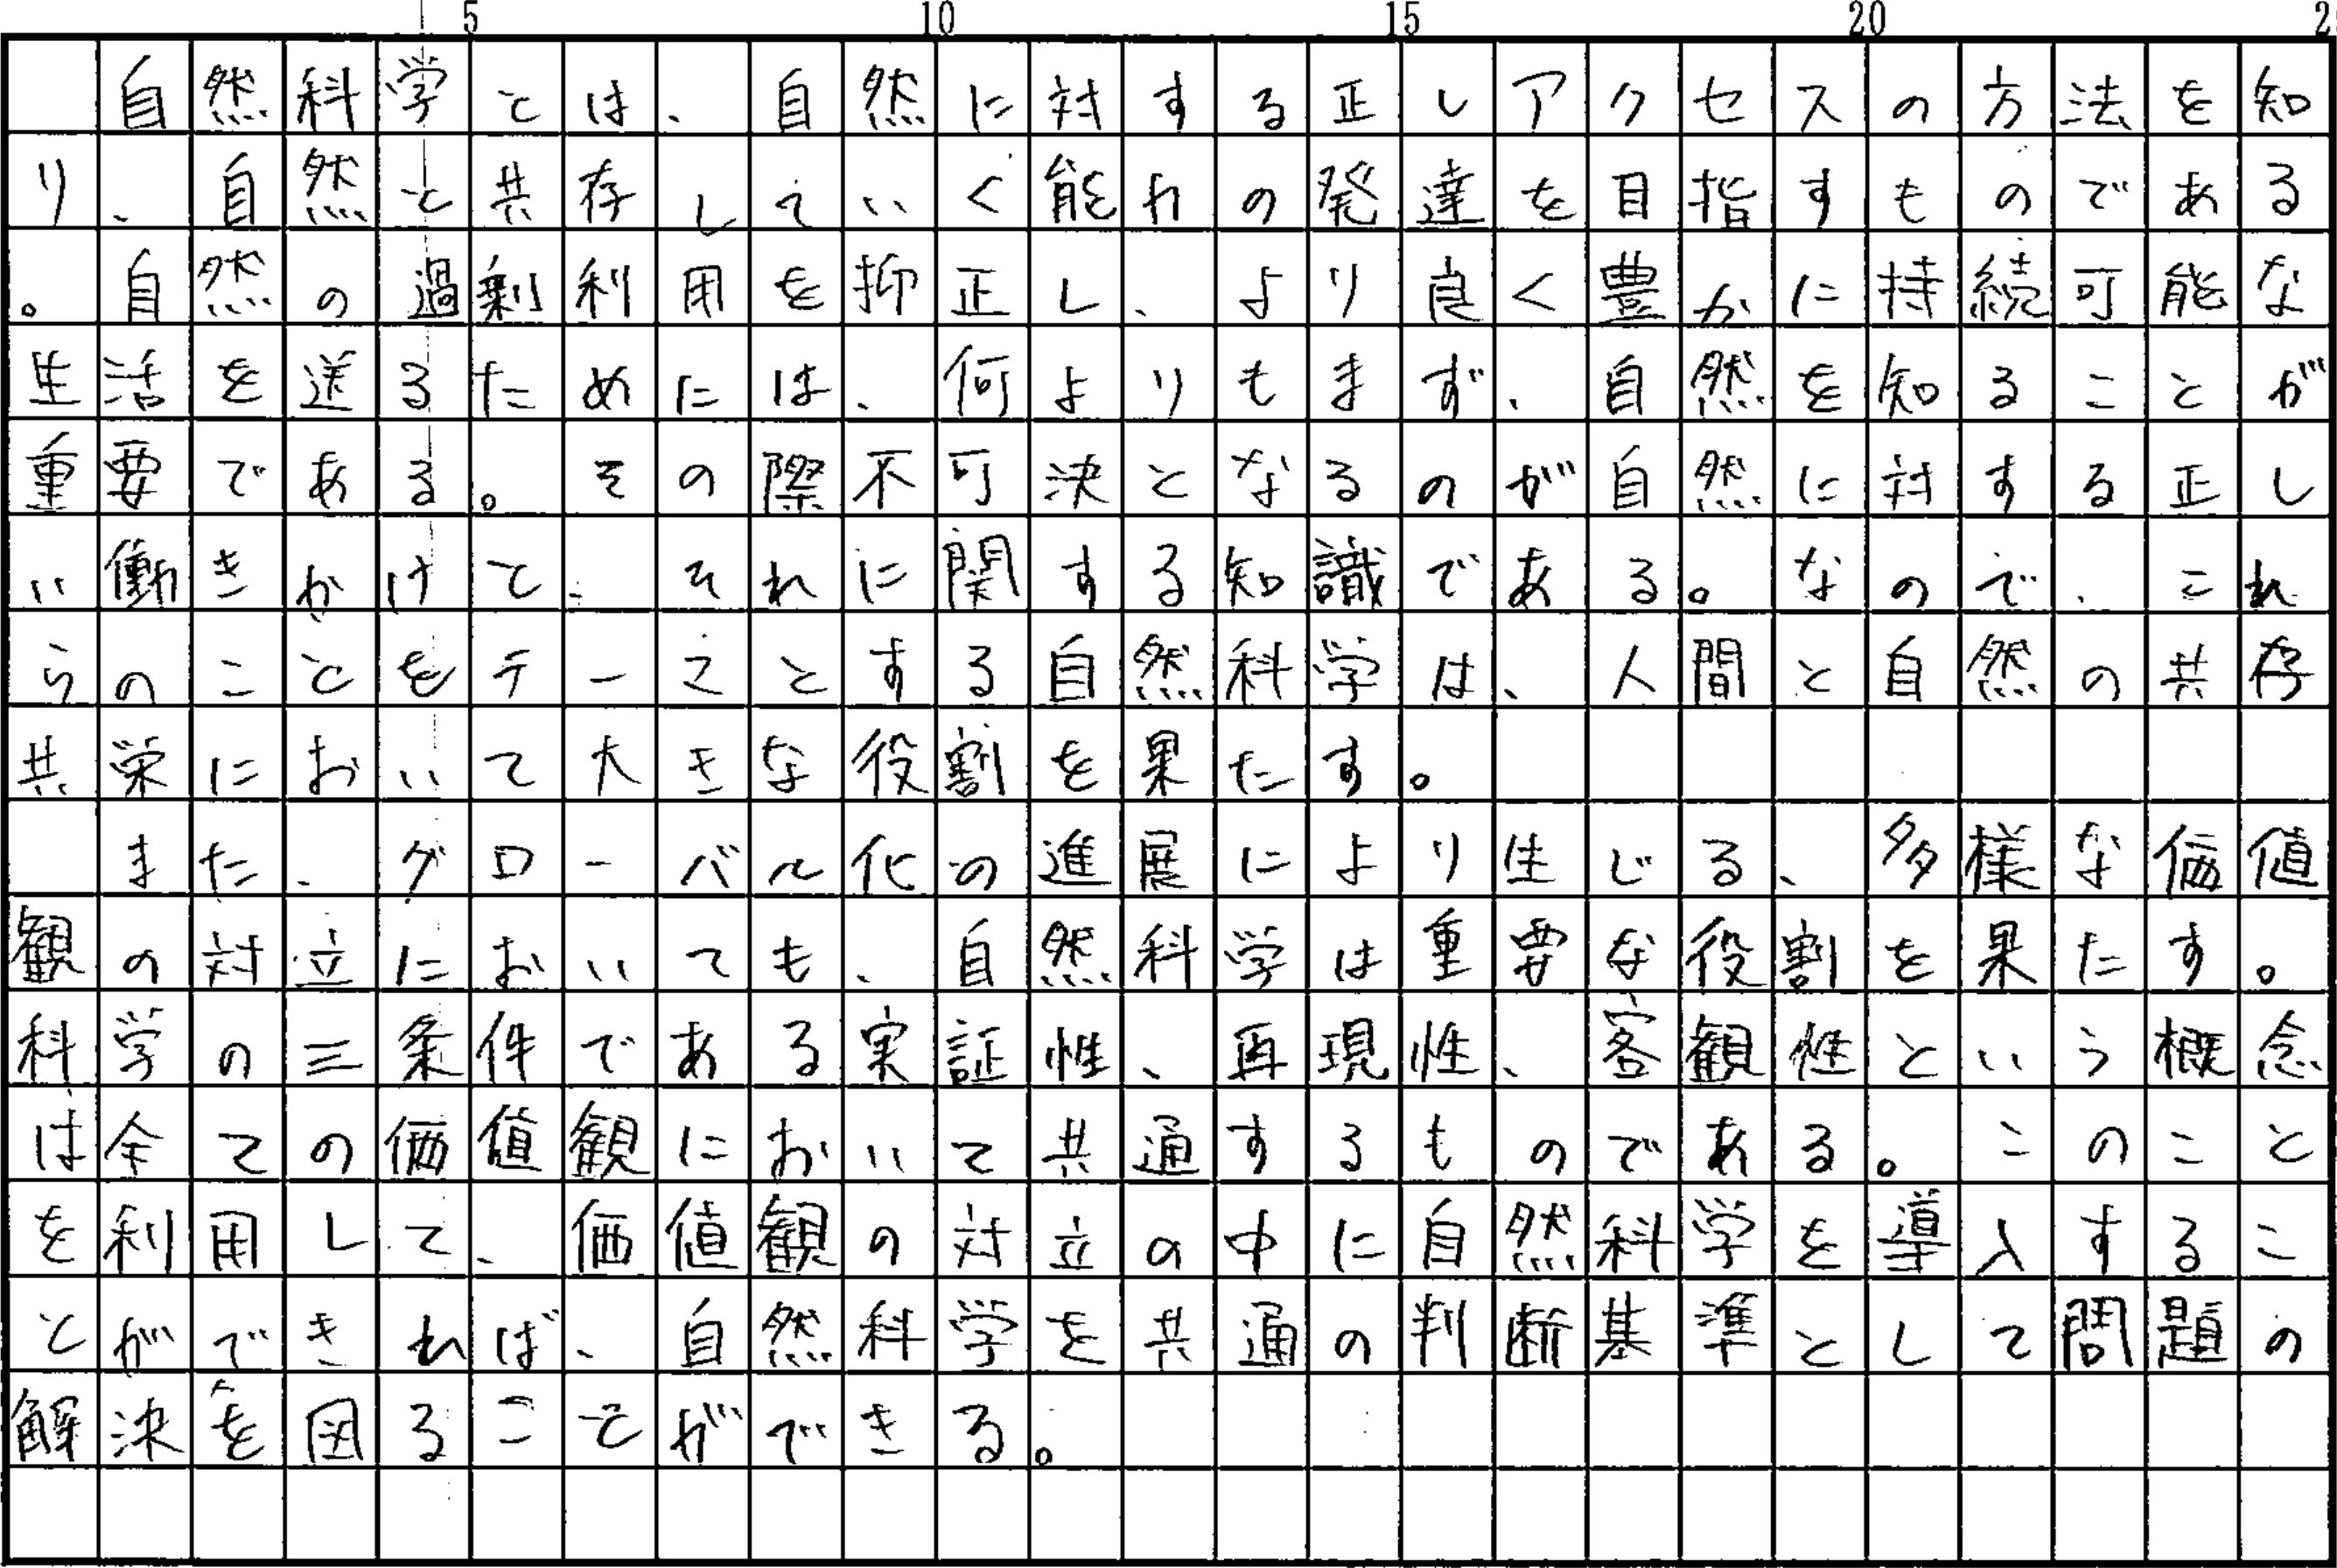　自然科学とは、自然に対する正しアクセスの方法を知り、自然と共存していく能力の発達を目指すものである。自然の過剰利用を抑正し、より良く豊かに持続可能な生活を送るためには、何よりもまず、自然を知ることが重要である。その際不可決となるのが自然に対する正しい働きかけと、それに関する知識である。なので、これらのことをテーマとする自然科学は、人間と自然の共存共栄において大きな役割を果たす。
　また、グローバル化の進展により生じる、多様な価値観の対立においても、自然科学は重要な役割を果たす。科学の三条件である実証性、再現性、客観性という概念は全ての価値観において共通するものである。このことを利用して、価値観の対立の中に自然科学を導入することができれば、自然科学を共通の判断基準として問題の解決を図ることができる。
